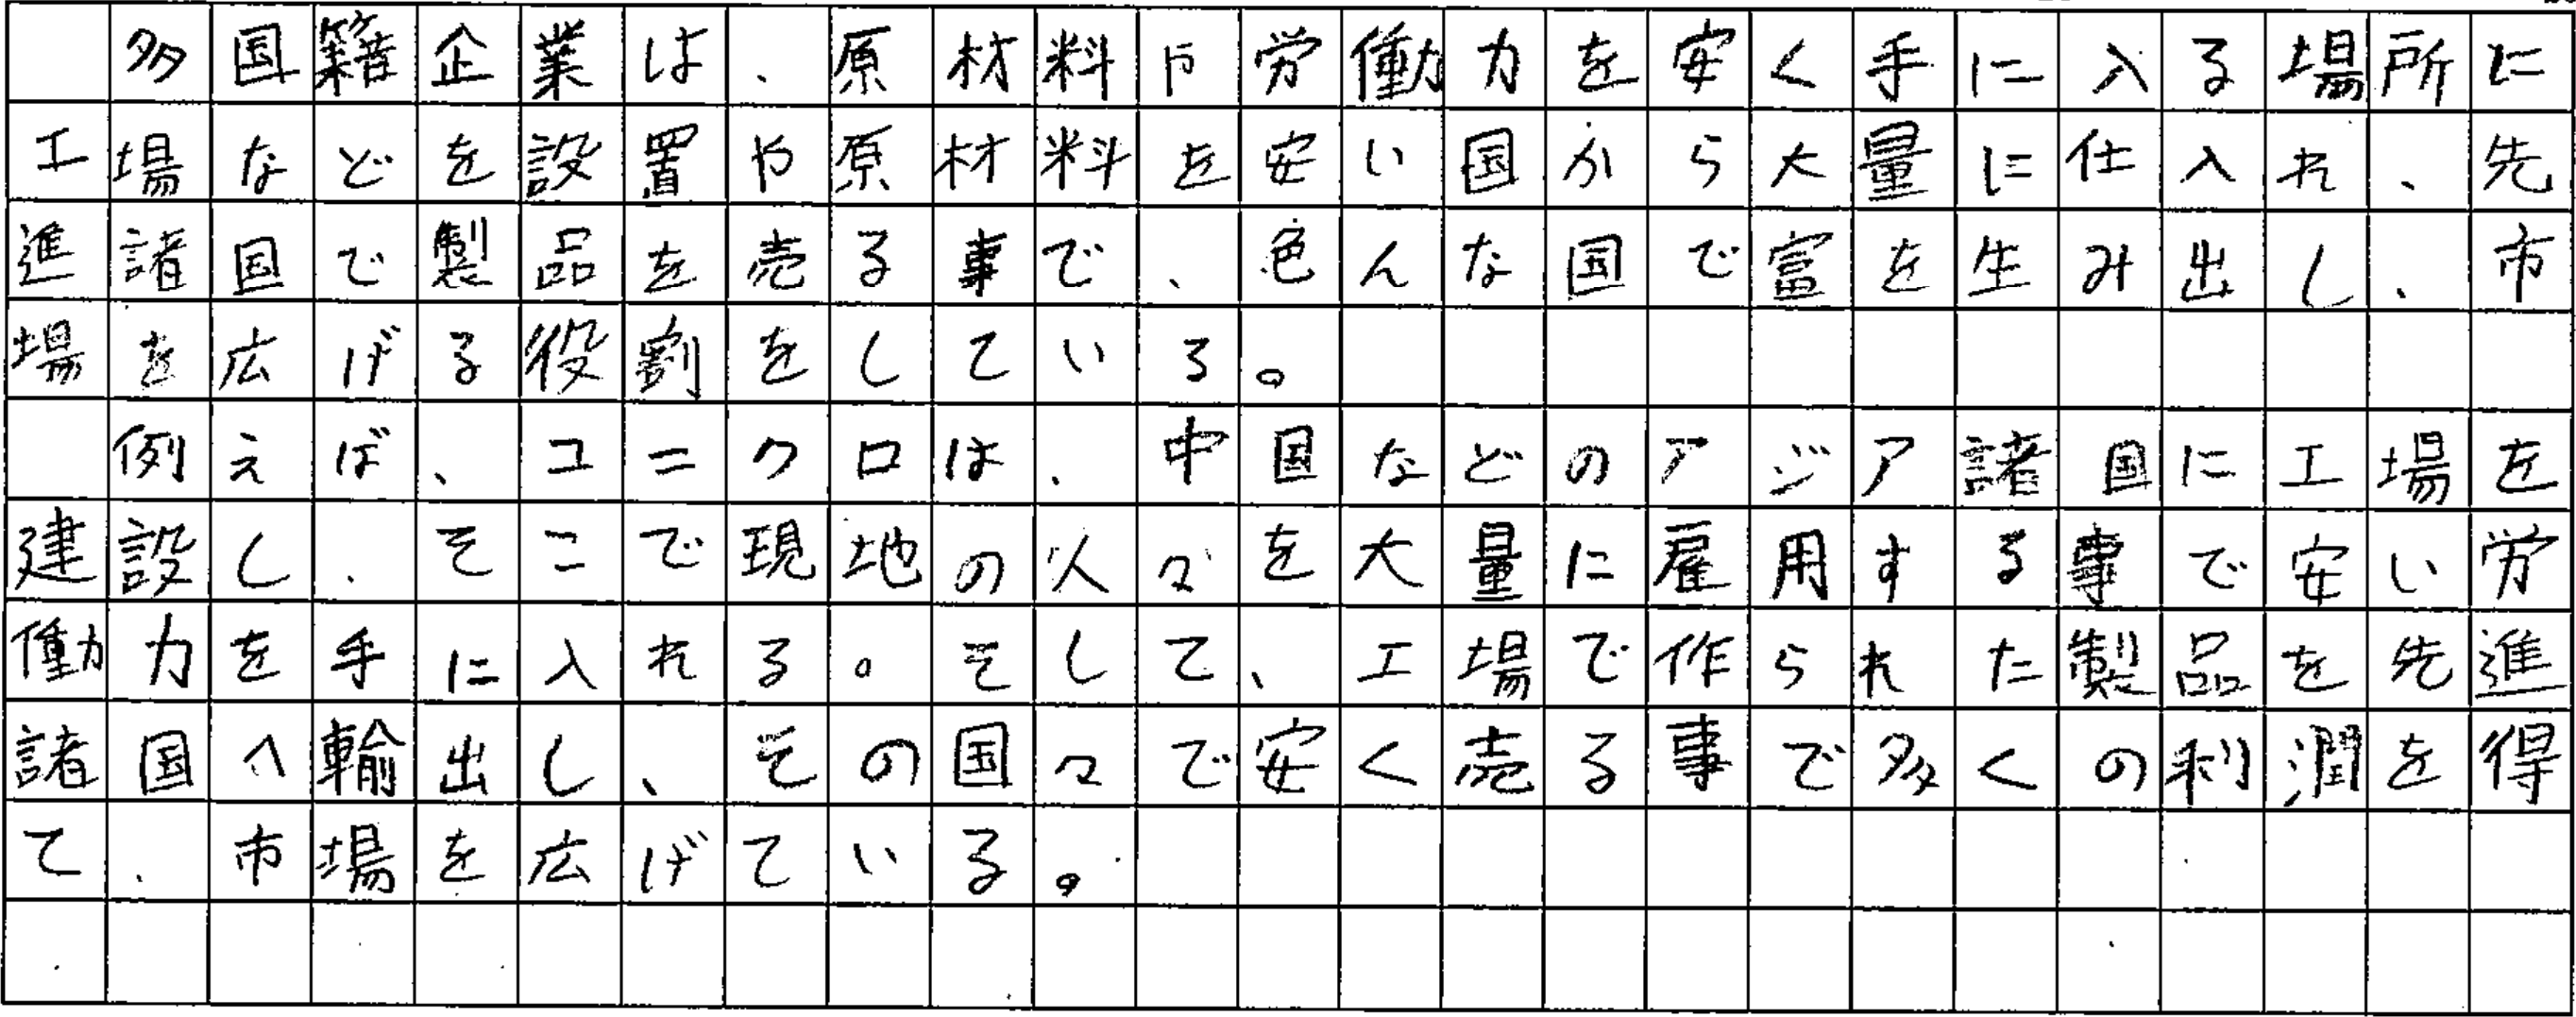　多国籍企業は、原材料や労働力を安く手に入る場所に工場などを設置や原材料を安い国から大量に仕入れ、先進諸国で製品を売る事で、色んな国で富を生み出し、市場を広げる役割をしている。
　例えば、ユニクロは、中国などのアジア諸国に工場を建設し、そこで現地の人々を大量に雇用する事で安い労働力を手に入れる。そして、工場で作られた製品を先進諸国へ輸出し、その国々で安く売る事で多くの利潤を得て、市場を広げている。
